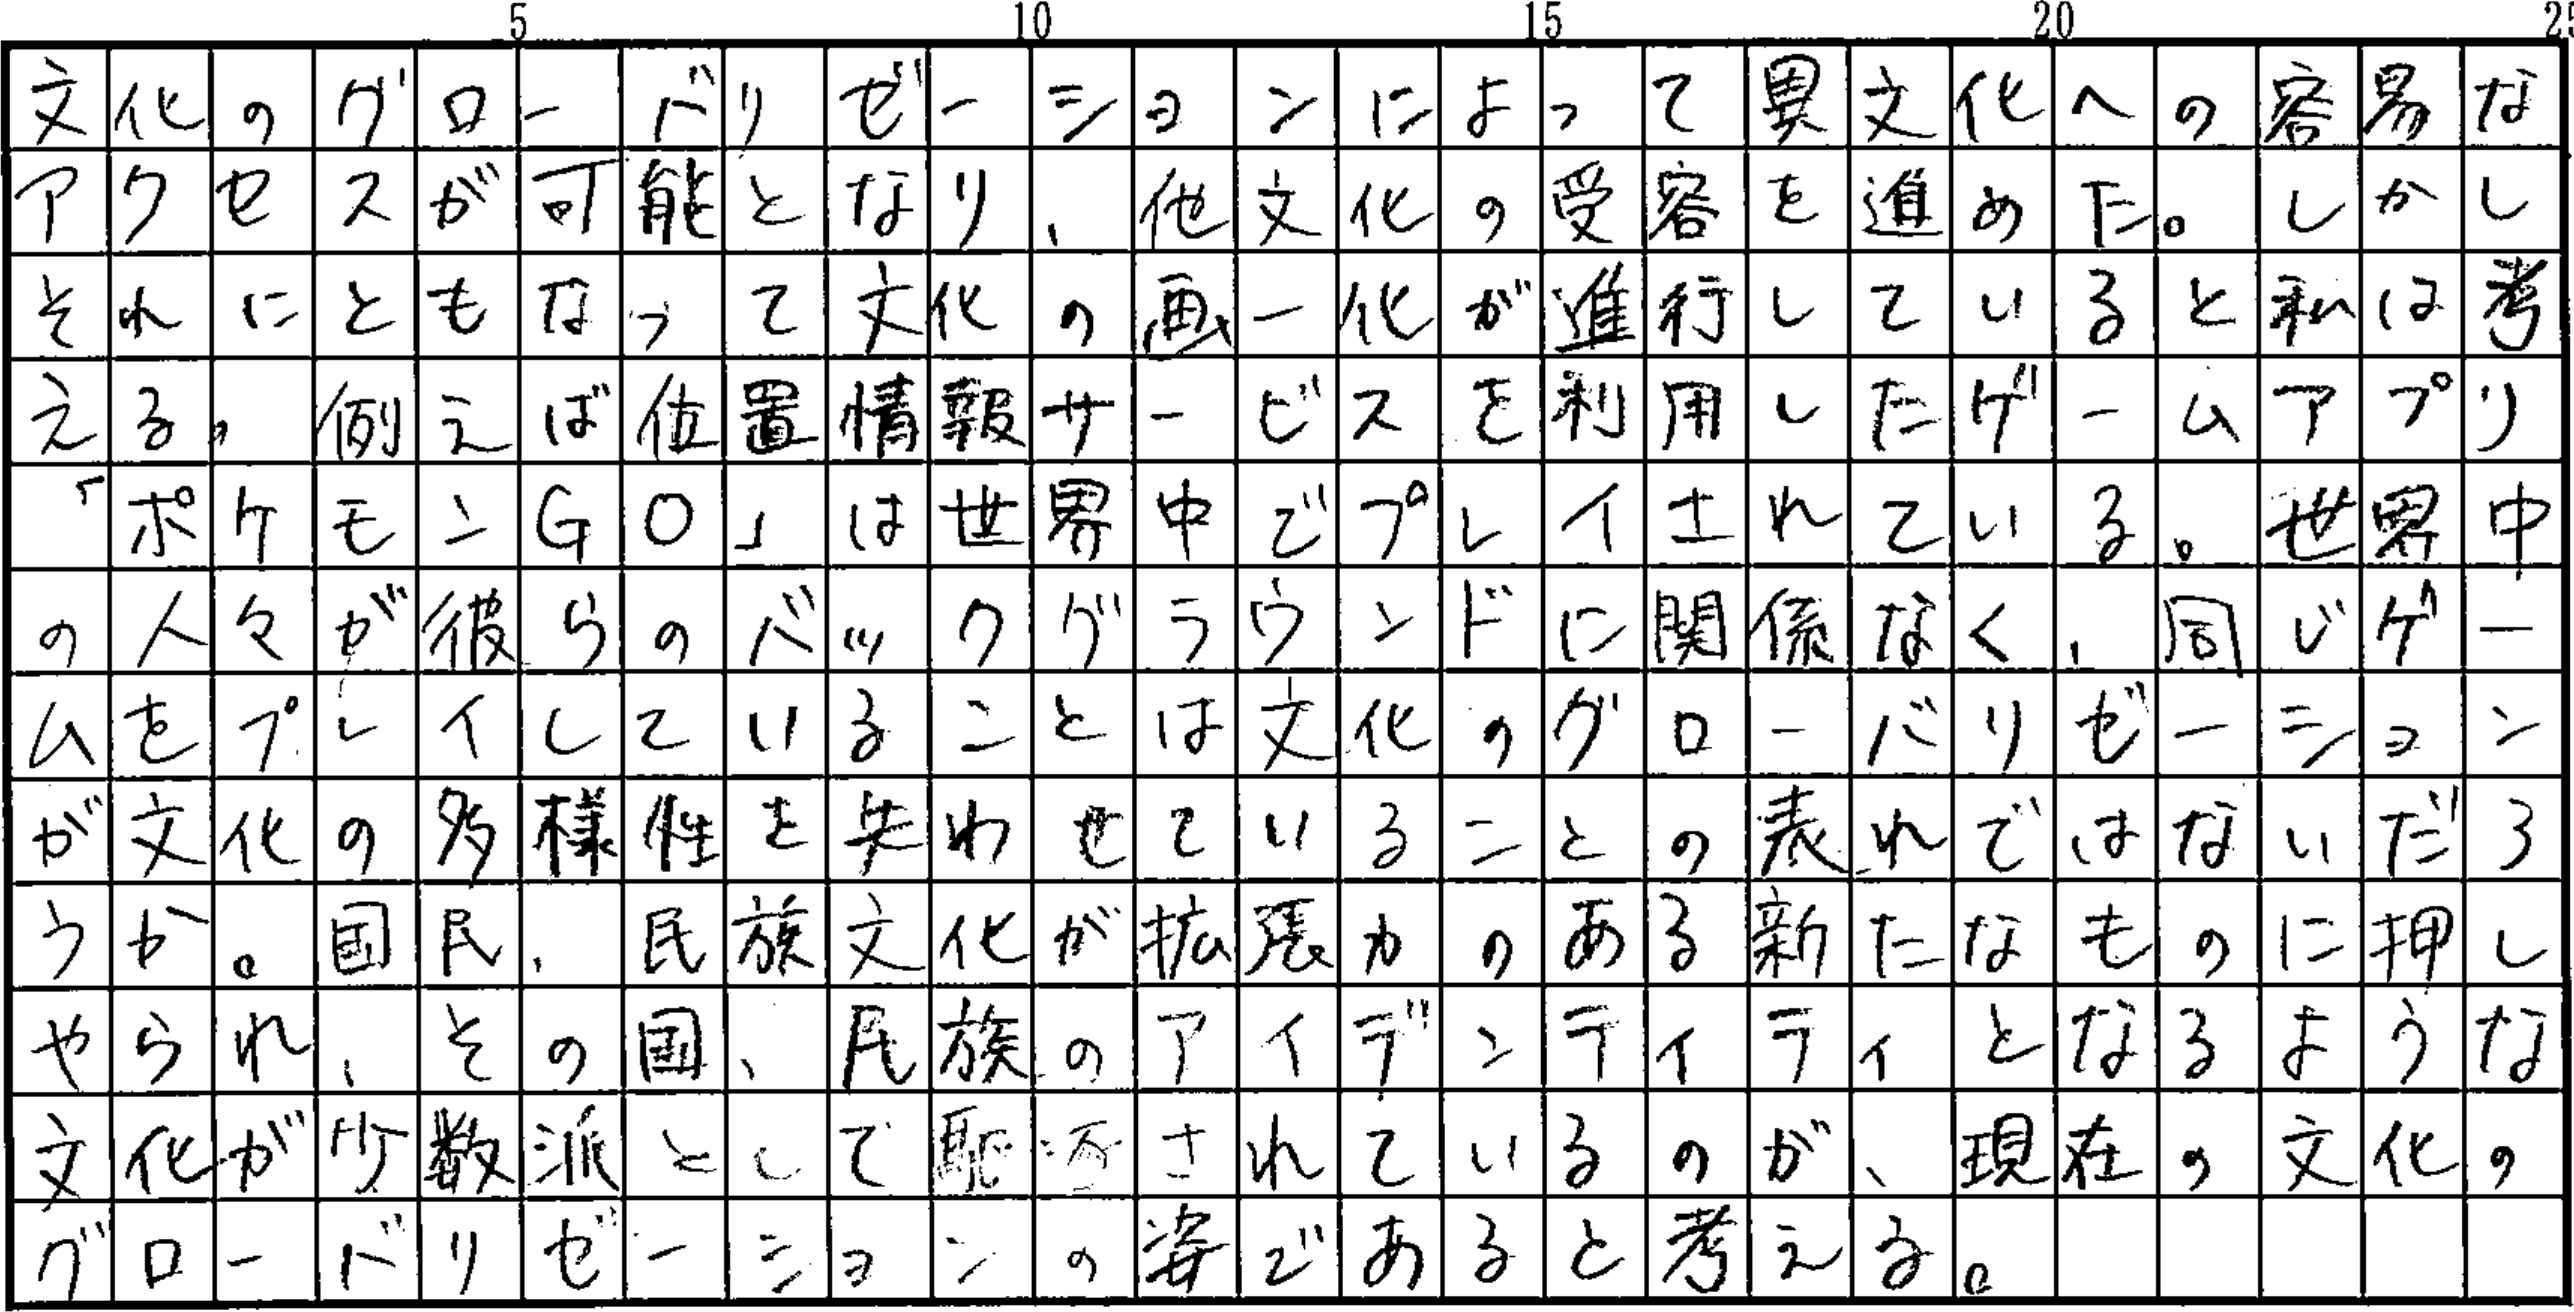文化のグローバリゼーションによって異文化への容易なアクセスが可能となり、他文化の受容を進めた。しかしそれにともなって文化の画一化が進行していると私は考える。例えば位置情報サービスを利用したゲームアプリ「ポケモンＧＯ」は世界中でプレイされている。世界中の人々が彼らのバックグラウンドに関係なく、同じゲームをプレイしていることは文化のグローバリゼーションが文化の多様性を失わせていることの表れではないだろうか。国民、民族文化が拡張力のある新たなものに押しやられ、その国、民族のアイデンティティとなるような文化が少数派として駆逐されているのが、現在の文化のグローバリゼーションの姿であると考える
